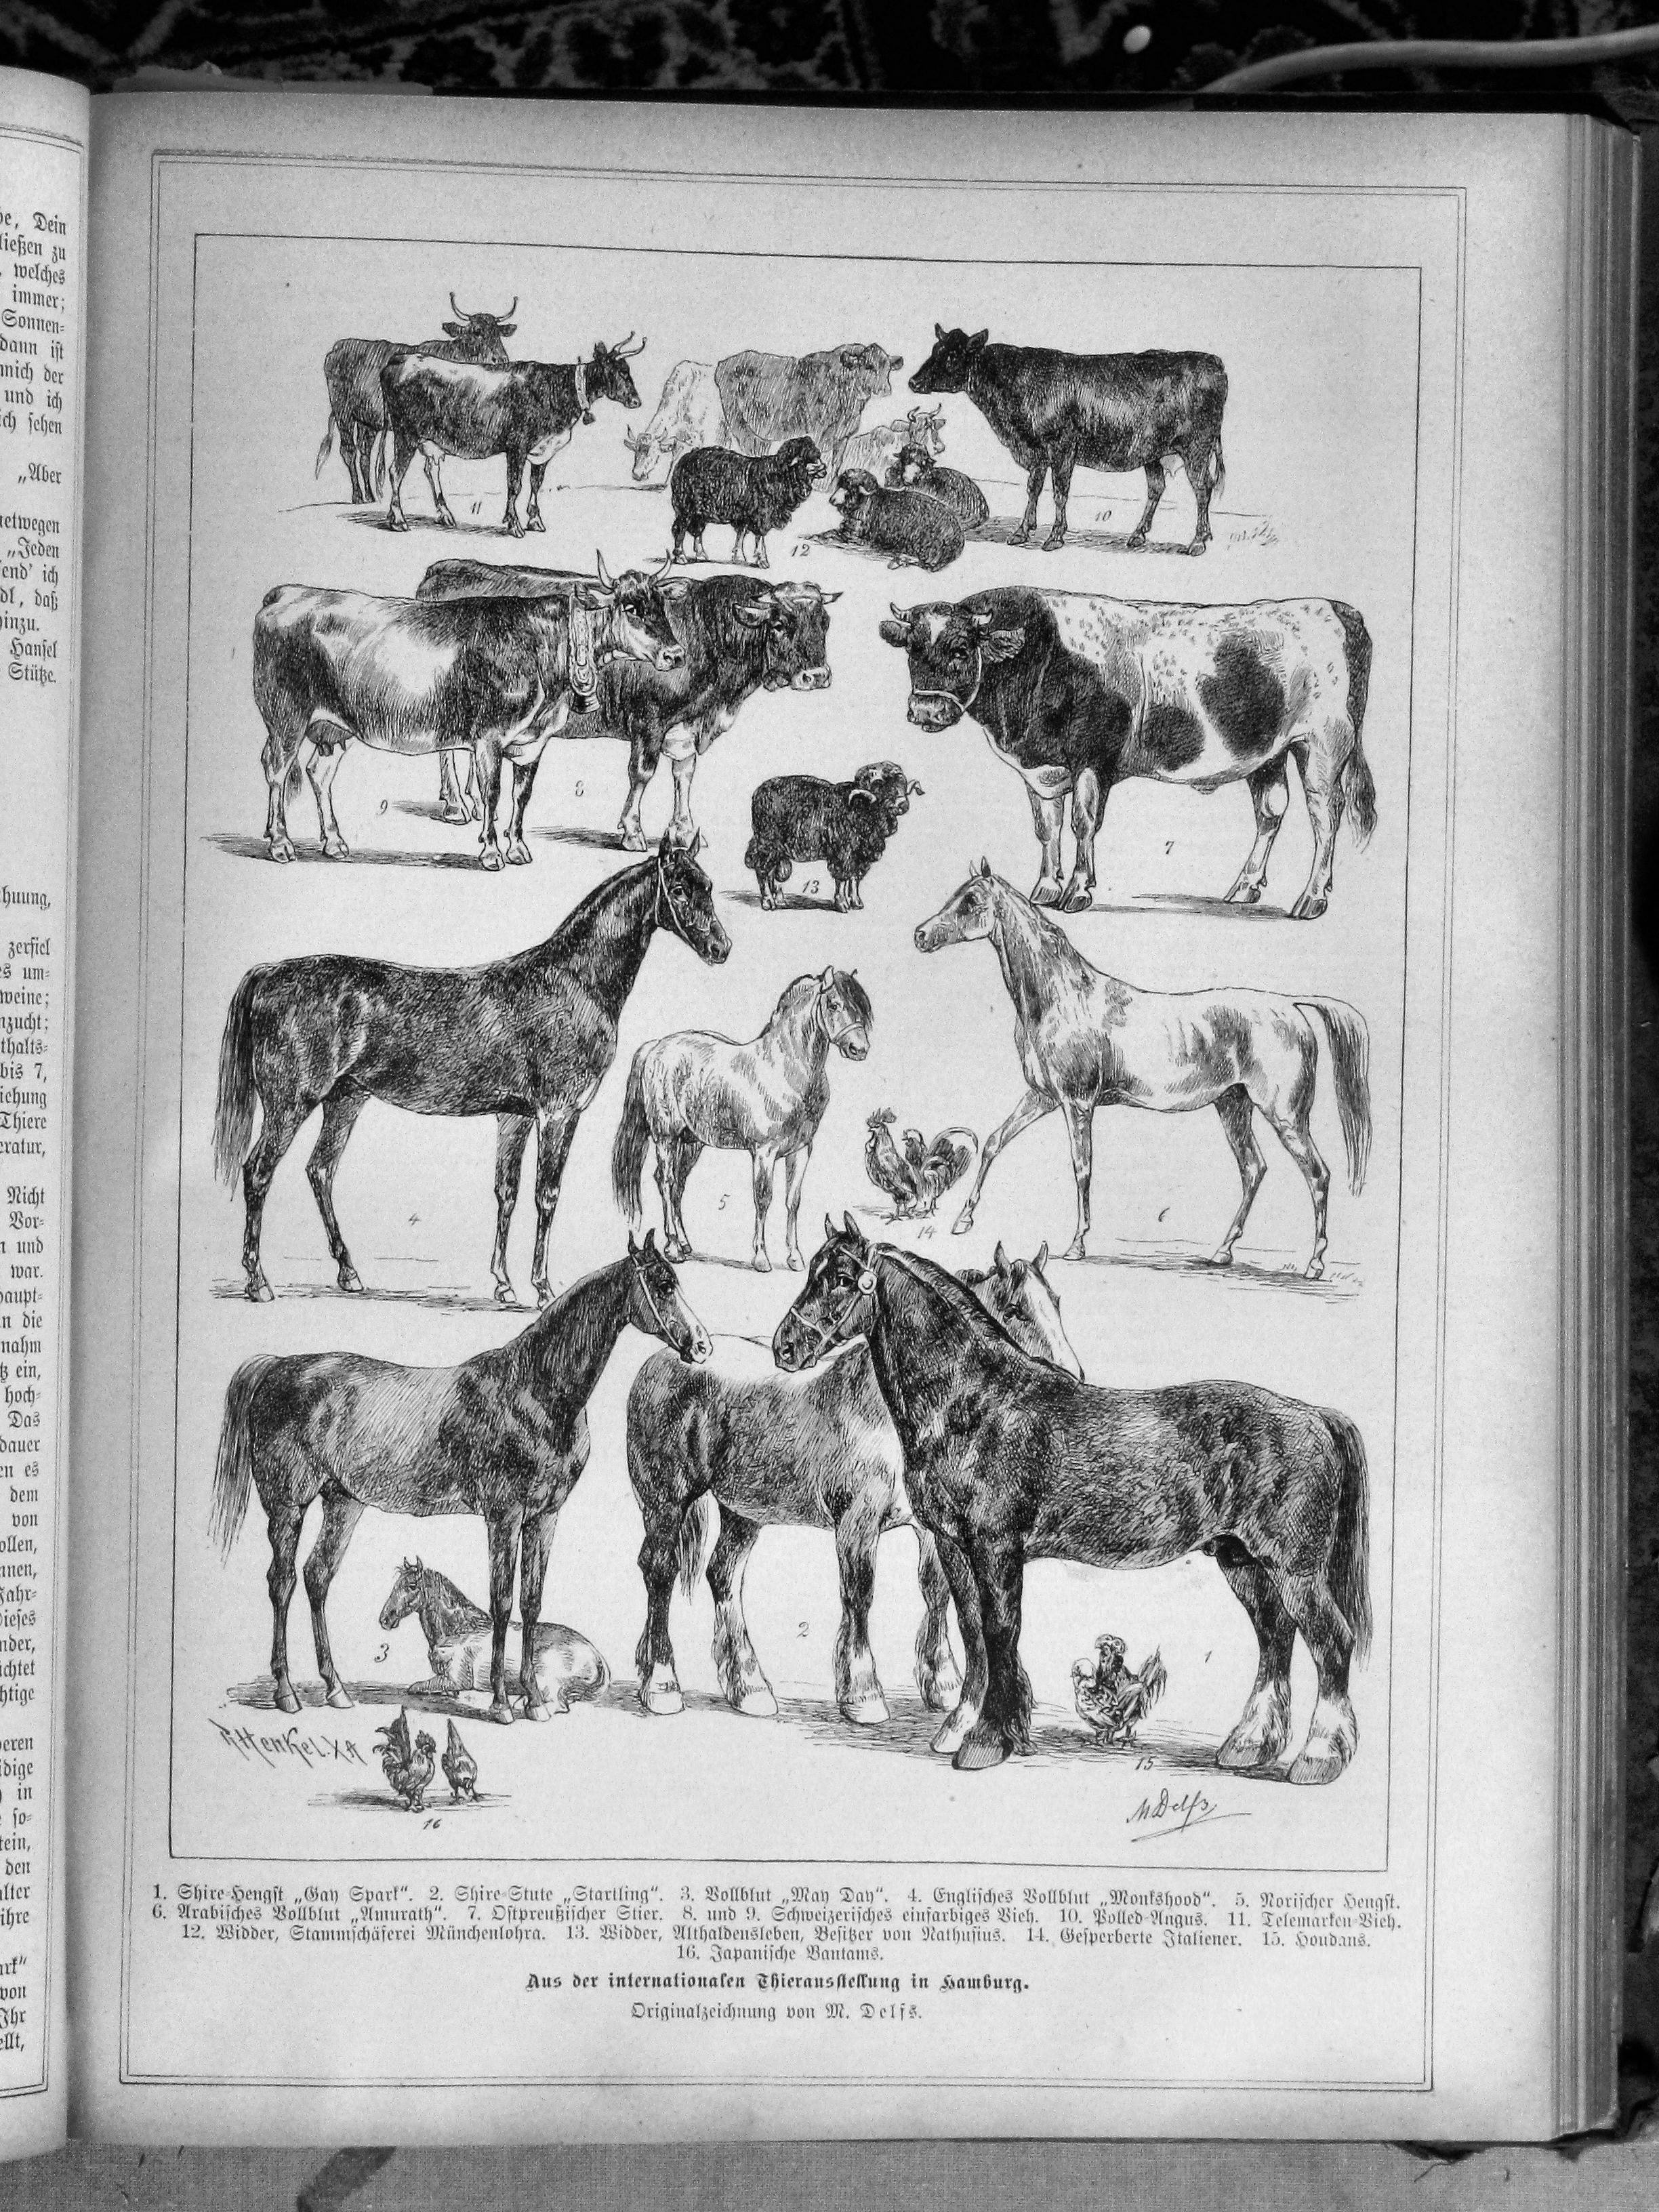Aus der internationalen Thierausstellung in Hamburg.
Originalzeichnung von M. Delfs.
1. Shire-Hengst „Gay Spark“ . 2. Shire-Stute „Startling“. 3. Vollblut „May Day“. 4. Englisches Vollblut „Monkshood“. 5. Norischer Hengst. 6. Arabisches Vollbut „Amurath“. 7. Ostpreußischer Stier. 8. und 9. Schweizerisches einfarbiges Vieh. 10. Polled-Angus. 11. Telemarken-Vieh 12. Widder, Stammschäferei Münchenlohra. 13. Widder, Althaldensleben, Besitzer von Nathusius. 14. Gesperberte Italiener. 15. Houdans. 16. Japanische Bantams.
